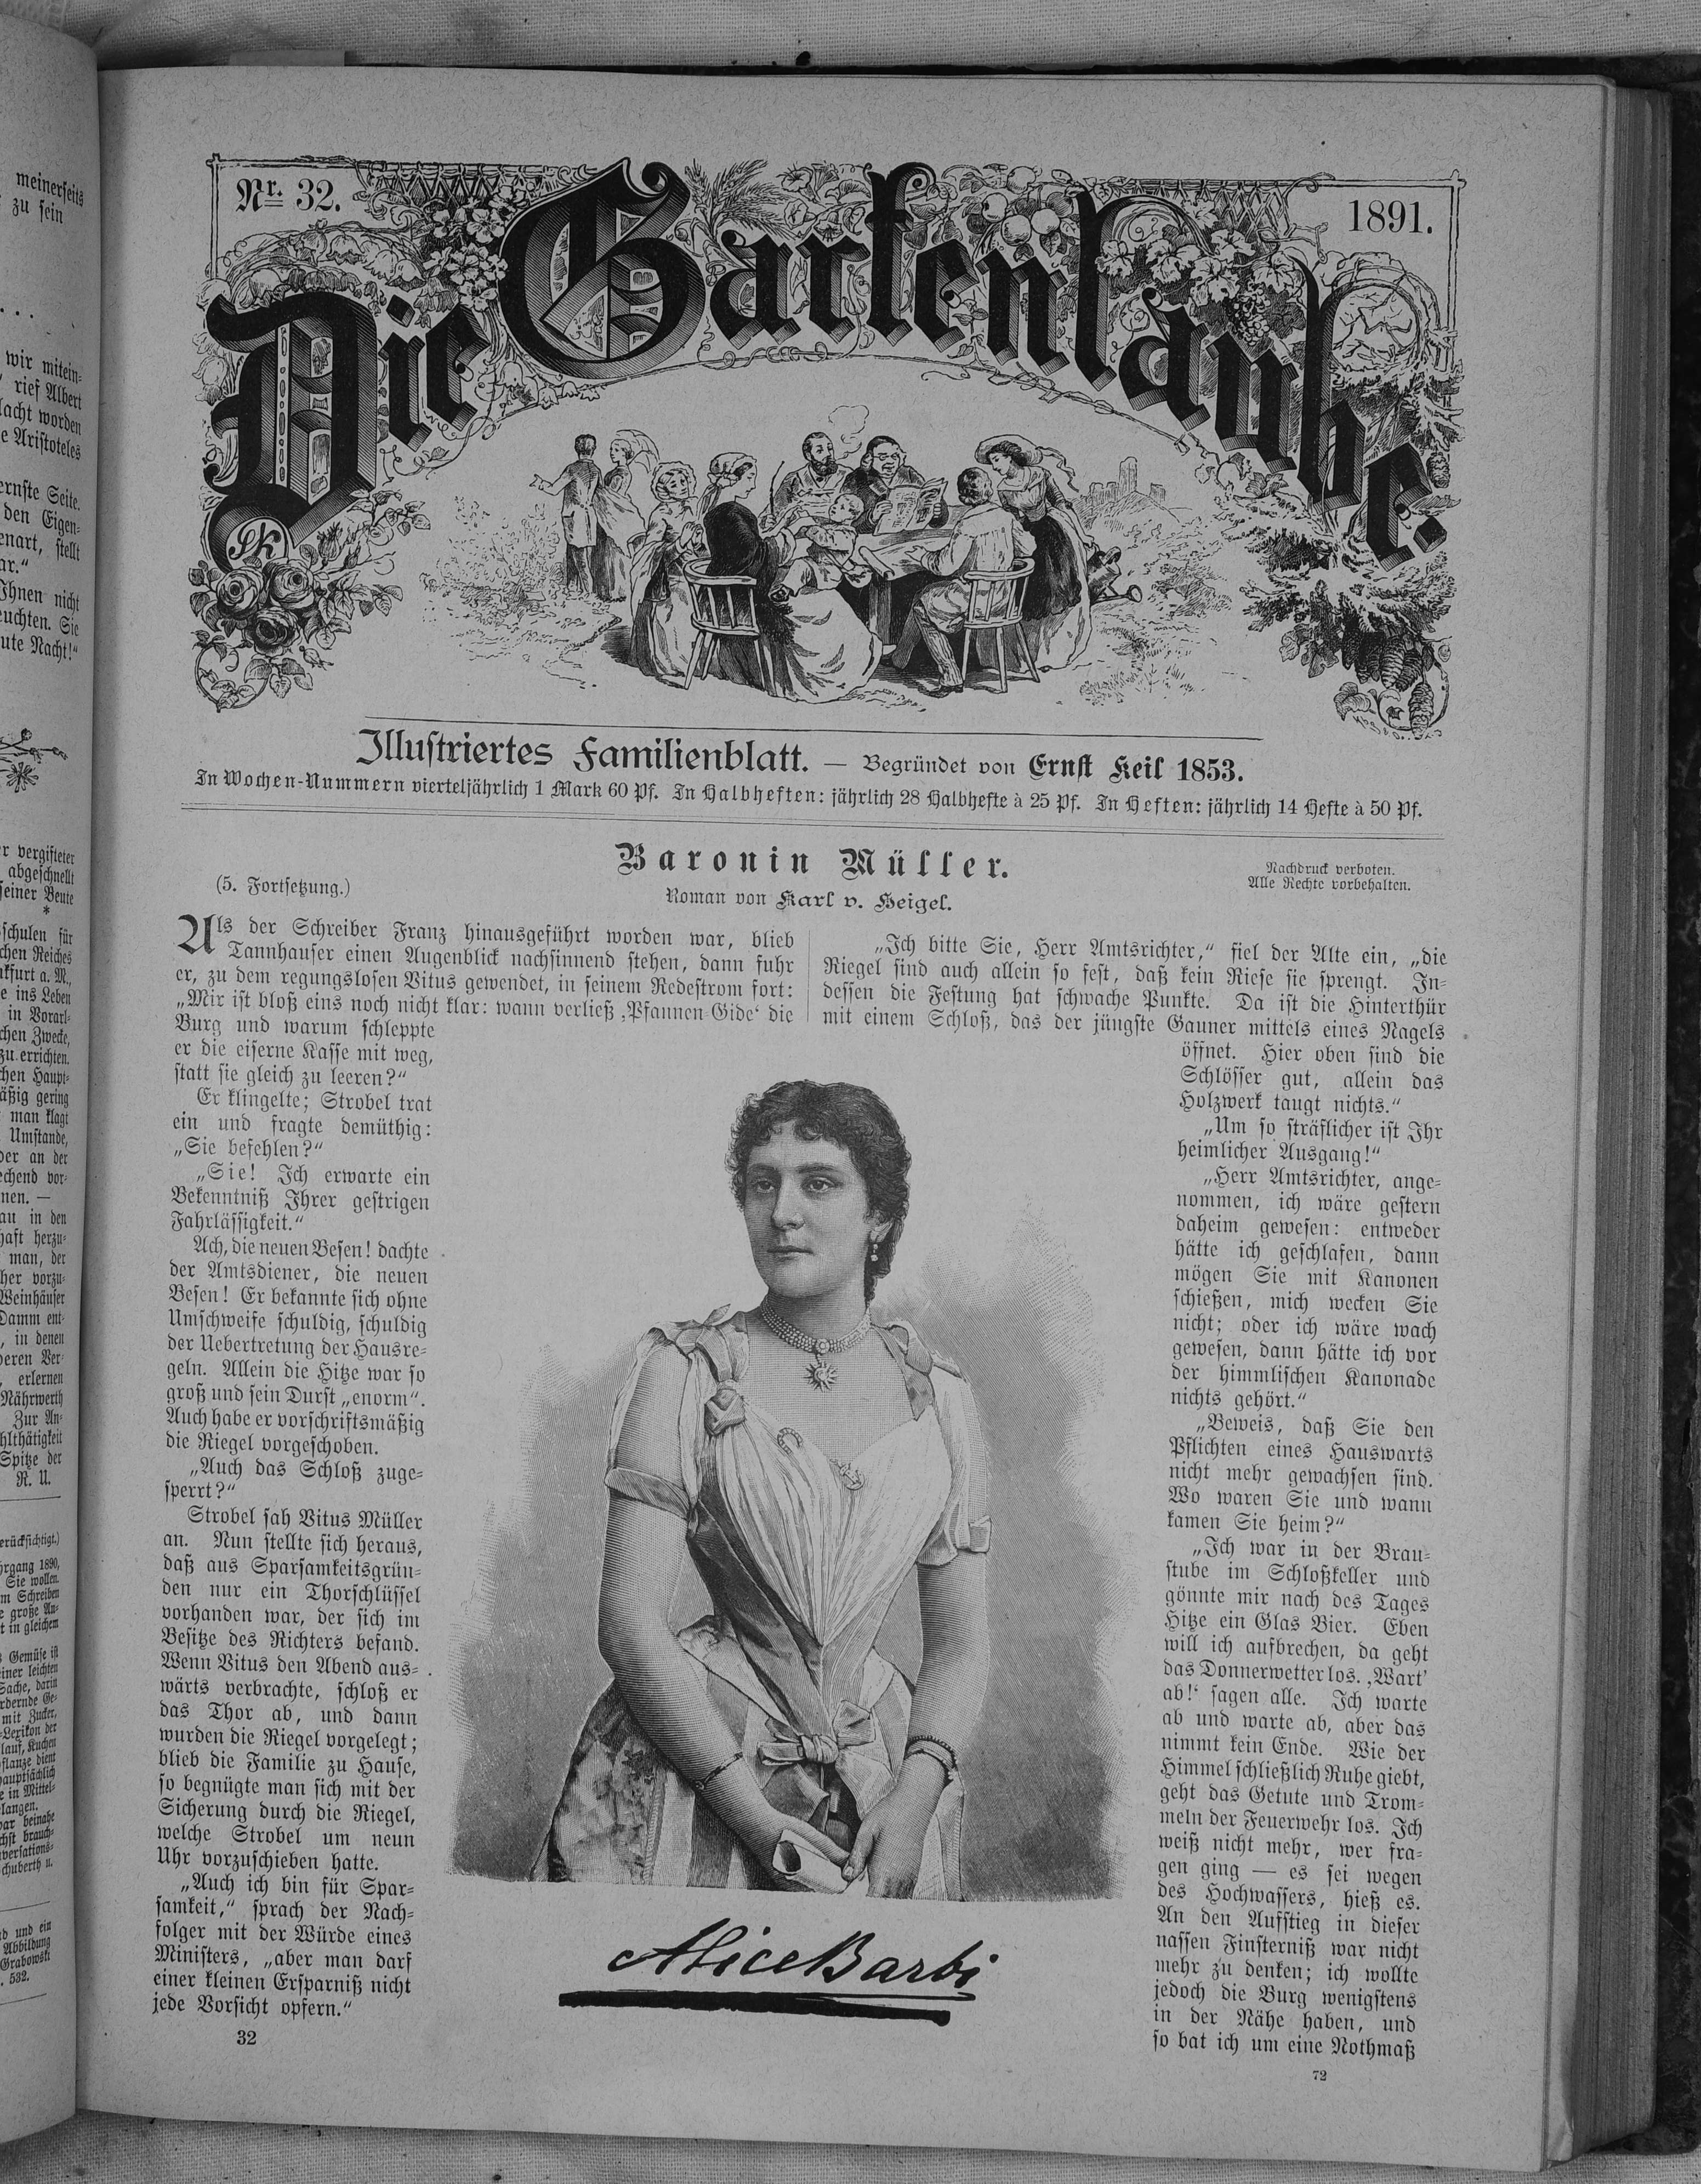Nr. 32. 1891.
Die Gartenlaube.

Illustriertes Familienblatt. — Begründet von Ernst Keil 1853.

In Wochen-Nummern vierteljährlich 1 Mark 60 Pf. In Halbheften: jährlich 28 Halbhefte à 25 Pf. In Heften: jährlich 14 Hefte à 50 Pf.

Alice Barbi.

Baronin Müller.
Roman von Karl v. Heigel.
(5. Fortsetzung.)

Als der Schreiber Franz hinausgeführt worden war, blieb Tannhauser einen Augenblick nachsinnend stehen, dann fuhr er, zu dem regungslosen Vitus gewendet, in seinem Redestrom fort: „Mir ist bloß eins noch nicht klar: wann verließ ‚Pfannen Gide’ die Burg und warum schleppte er die eiserne Kasse mit weg, statt sie gleich zu leeren?“

Er klingelte; Strobel trat ein und fragte demüthig: „Sie befehlen?"

„Sie! Ich erwarte ein Bekenntniß Ihrer gestrigen Fahrlässigkeit.“

Ach, die neuen Besen! dachte der Amtsdiener, die neuen Besen! Er bekannte sich ohne Umschweife schuldig, schuldig der Uebertretung der Hausregeln. Allein die Hitze war so groß und sein Durst „enorm“. Auch habe er vorschriftsmäßig die Riegel vorgeschoben.

„Auch das Schloß zugesperrt?“

Strobel sah Vitus Müller an. Nun stellte sich heraus, daß aus Sparsamkeitsgründen nur ein Thorschlüssel vorhanden war, der sich im Besitze des Richters befand. Wenn Vitus den Abend auswärts verbrachte, schloß er das Thor ab, und dann wurden die Riegel vorgelegt; blieb die Familie zu Hause, so begnügte man sich mit der Sicherung durch die Riegel, welche Strobel um neun Uhr vorzuschieben hatte.

„Auch ich bin für Sparsamkeit,“ sprach der Nachfolger mit der Würde eines Ministers, „aber man darf einer kleinen Ersparniß nicht jede Vorsicht opfern.“

„Ich bitte Sie, Herr Amtsrichter,“ fiel der Alte ein, „die Riegel sind auch allein so fest , daß kein Riese sie sprengt. Indessen die Festung hat schwache Punkte. Da ist die Hinterthür mit einem Schloß, das der jüngste Gauner mittels eines Nagels öffnet. Hier oben sind die Schlösser gut, allein das Holzwerk taugt nichts.“

„Um so sträflicher ist Ihr heimlicher Ausgang!“

„Herr Amtsrichter, angenommen, ich wäre gestern daheim gewesen: entweder hätte ich geschlafen, dann mögen Sie mit Kanonen schießen, mich wecken Sie nicht; oder ich wäre wach gewesen, dann hätte ich vor der himmlischen Kanonade nichts gehörte“

„Beweis, daß Sie den Pflichten eines Hauswarts nicht mehr gewachsen sind. Wo waren Sie und wann kamen Sie heim?“

„Ich war in der Braustube im Schloßkeller und gönnte mir nach des Tages Hitze ein Glas Bier. Eben will ich aufbrechen, da geht das Donnerwetter los. ‚Warte ab!’ sagen alle. Ich warte ab und warte ab, aber das nimmt kein Ende. Wie der Himmel schließlich Ruhe giebt, geht das Getute und Trommeln der Feuerwehr los. Ich weiß nicht mehr, wer fragen ging - es sei wegen des Hochwassers, hieß es. An den Aufstieg in dieser nassen Finsterniß war nicht mehr zu denken; ich wollte jedoch die Burg wenigstens in der Nähe haben, und so bat ich um eine Nothmaß
